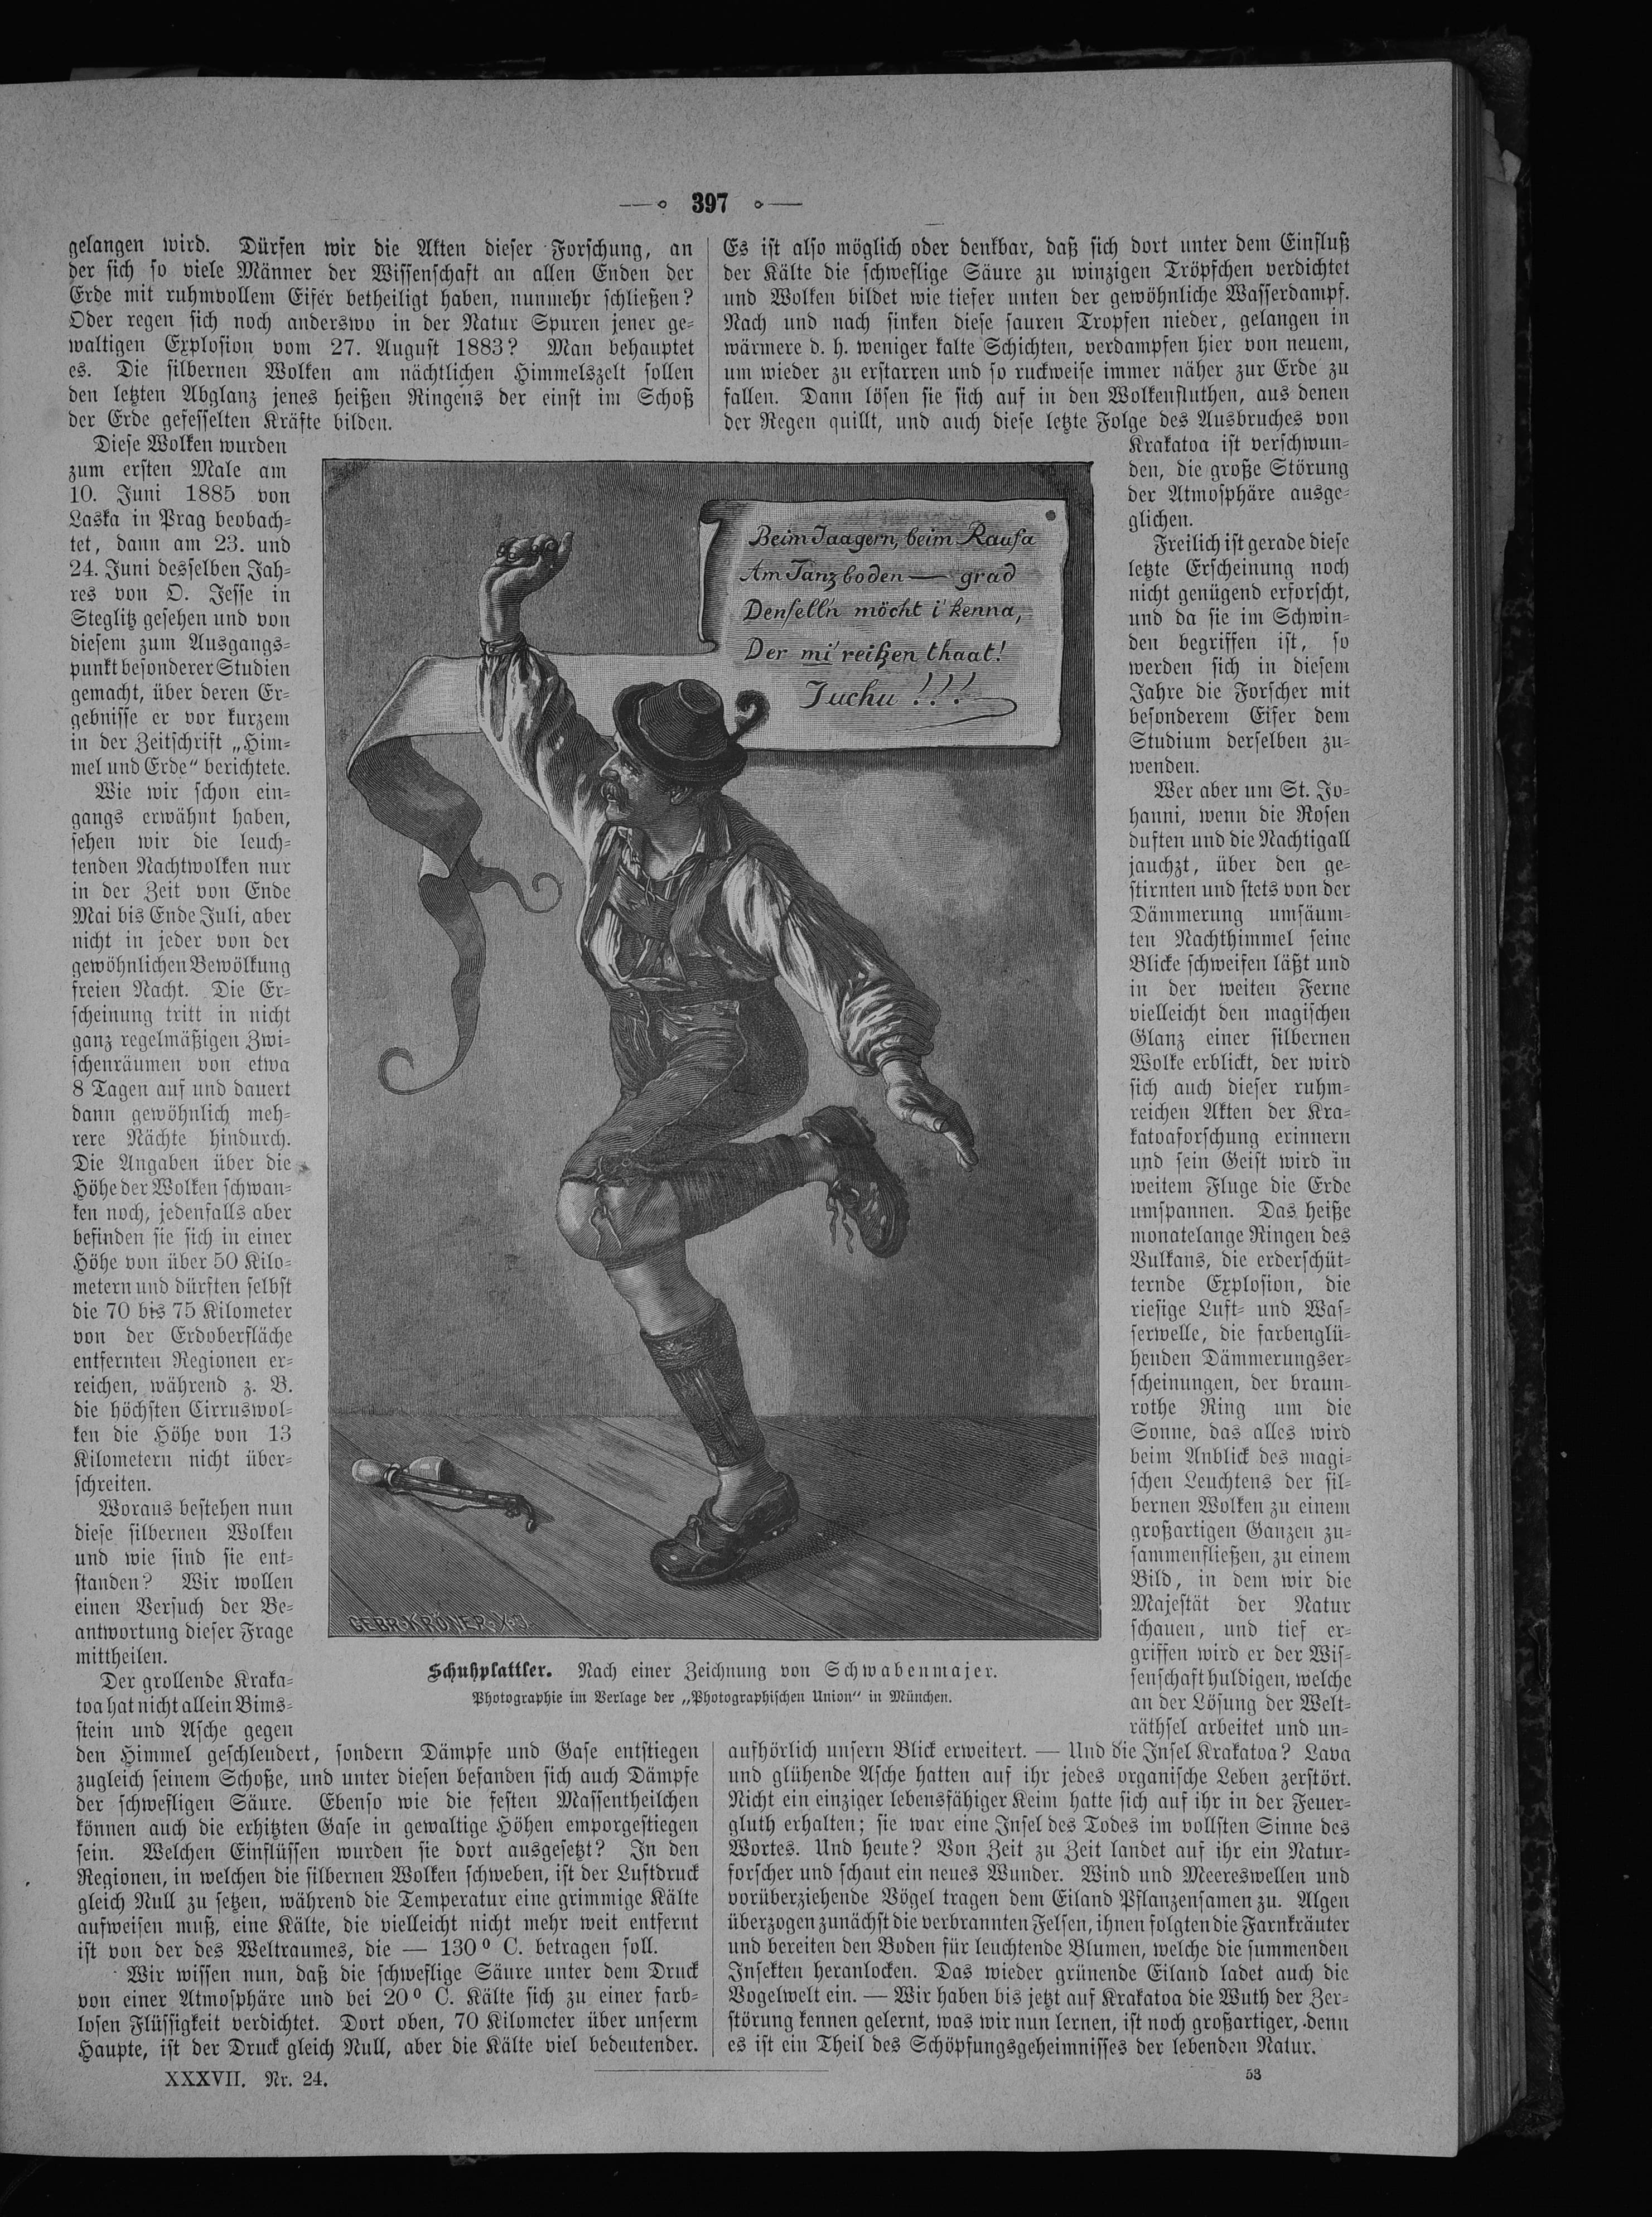gelangen wird. Dürfen wir die Akten dieser Forschung, an der sich so viele Männer der Wissenschaft an allen Enden der Erde mit ruhmvollem Eifer betheiligt haben, nunmehr schließen? Oder regen sich noch anderswo in der Natur Spuren jener gewaltigen Explosion vom 27. August 1883? Man behauptet es. Die silbernen Wolken am nächtlichen Himmelszelt sollen den letzten Abglanz jenes heißen Ringens der einst im Schoß der Erde gefesselten Kräfte bilden.

Diese Wolken wurden zum ersten Male am 10. Juni 1885 von Laska in Prag beobachtet, dann am 23. und 24. Juni desselben Jahres von O. Jesse in Steglitz gesehen und von diesem zum Ausgangspunkt besonderer Studien gemacht, über deren Ergebnisse er vor kurzem in der Zeitschrift „Himmel und Erde“ berichtete.

Wie wir schon, eingangs erwähnt haben, sehen wir die leuchtenden Nachtwolken nur in der Zeit von Ende Mai bis Ende Juli, aber nicht in jeder von der gewöhnlichen Bewölkung freien Nacht. Die Erscheinung tritt in nicht ganz regelmäßigen Zwischenräumen von etwa 8 Tagen auf und dauert dann gewöhnlich mehrere Nächte hindurch. Die Angaben über die Höhe der Wolken schwanken noch, jedenfalls aber befinden sie sich in einer Höhe von über 50 Kilometern und dürften selbst die 70 bis 75 Kilometer von der Erdoberfläche entfernten Regionen erreichen, während z. B. die höchsten Cirruswolken die Höhe von 13 Kilometern nicht überschreiten.

Woraus bestehen nun diese silbernen Wolken und wie sind sie entstanden? Wir wollen einen Versuch der Beantwortung dieser Frage mittheilen.

Der grollende Krakatoa hat nicht allein Bimsstein und Asche gegen den Himmel geschleudert, sondern Dämpfe und Gase entstiegen zugleich seinem Schoße, und unter diesen befanden sich auch Dämpfe der schwefligen Säure. Ebenso wie die festen Massentheilchen können auch die erhitzten Gase in gewaltige Höhen emporgestiegen sein. Welchen Einflüssen wurden sie dort ausgesetzt? In den Regionen, in welchen die silbernen Wolken schweben, ist der Luftdruck gleich Null zu setzen, während die Temperatur eine grimmige Kälte aufweisen muß, eine Kälte, die vielleicht nicht mehr weit entfernt ist von der des Weltraumes, die – 130° C. betragen soll.

Wir wissen nun, daß die schweflige Säure unter dem Druck von einer Atmosphäre und bei 20° C. Kälte sich zu einer farblosen Flüssigkeit verdichtet. Dort oben, 70 Kilometer über unserm Haupte, ist der Druck gleich Null, aber die Kälte viel bedeutender.

Es ist also möglich oder denkbar, daß sich dort unter dem Einfluß der Kälte die schweflige Säure zu winzigen Tröpfchen verdichtet und Wolken bildet wie tiefer unten der gewöhnliche Wasserdampf. Nach und nach sinken diese sauren Tropfen nieder, gelangen in wärmere d. h. weniger kalte Schichten, verdampfen hier von neuem, um wieder zu erstarren und so ruckweise immer näher zur Erde zu fallen. Dann lösen sie sich auf in den Wolkenfluthen, aus denen der Regen quillt, und auch diese letzte Folge des Ausbruches von Krakatoa ist verschwunden, die große Störung der Atmosphäre ausgeglichen.

Freilich ist gerade diese letzte Erscheinung noch nicht genügend erforscht, und da sie im Schwinden begriffen ist, so werden sich in diesem Jahre die Forscher mit besonderem Eifer dem Studium derselben zuwenden.

Wer aber um St. Johanni, wenn die Rosen duften und die Nachtigall jauchzt, über den gestirnten und stets von der Dämmerung umsäumten Nachthimmel seine Blicke schweifen läßt und in der weiten Ferne vielleicht den magischen Glanz einer silbernen Wolke erblickt, der wird sich auch dieser ruhmreichen Akten der Krakatoaforschung erinnern und sein Geist wird in weitem Fluge die Erde umspannen. Das heiße monatelange Ringen des Vulkans, die erderschütternde Explosion, die riesige Luft- und Wasserwelle, die farbenglühenden Dämmerungserscheinungen, der braunrothe Ring um die Sonne, das alles wird beim Anblick des magischen Leuchtens der silbernen Wolken zu einem großartigen Ganzen zusammenfließen, zu einem Bild, in dem wir die Majestät der Natur schauen, und tief ergriffen wird er der Wissenschaft huldigen, welche an der Lösung der Welträthsel arbeitet und unaufhörlich unsern Blick erweitert. – Und die Insel Krakatoa? Lava und glühende Asche hatten auf ihr jedes organische Leben zerstört. Nicht ein einziger lebensfähiger Keim hatte sich auf ihr in der Feuergluth erhalten; sie war eine Insel des Todes im vollsten Sinne des Wortes. Und heute? Von Zeit zu Zeit landet auf ihr ein Naturforscher und schaut ein neues Wunder. Wind und Meereswellen und vorüberziehende Vögel tragen dem Eiland Pflanzensamen zu. Algen überzogen zunächst die verbrannten Felsen, ihnen folgten die Farnkräuter und bereiten den Boden für leuchtende Blumen, welche die summenden Insekten heranlocken. Das wieder grünende Eiland ladet auch die Vogelwelt ein. – Wir haben bis jetzt auf Krakatoa die Wuth der Zerstörung kennen gelernt, was wir nun lernen, ist noch großartiger, denn es ist ein Theil des Schöpfungsgeheimnisses der lebenden Natur.

Schuhplattler. Nach einer Zeichnung von Schwabenmajer.
Photographie im Verlage der „Photographischen Union“ in München.
